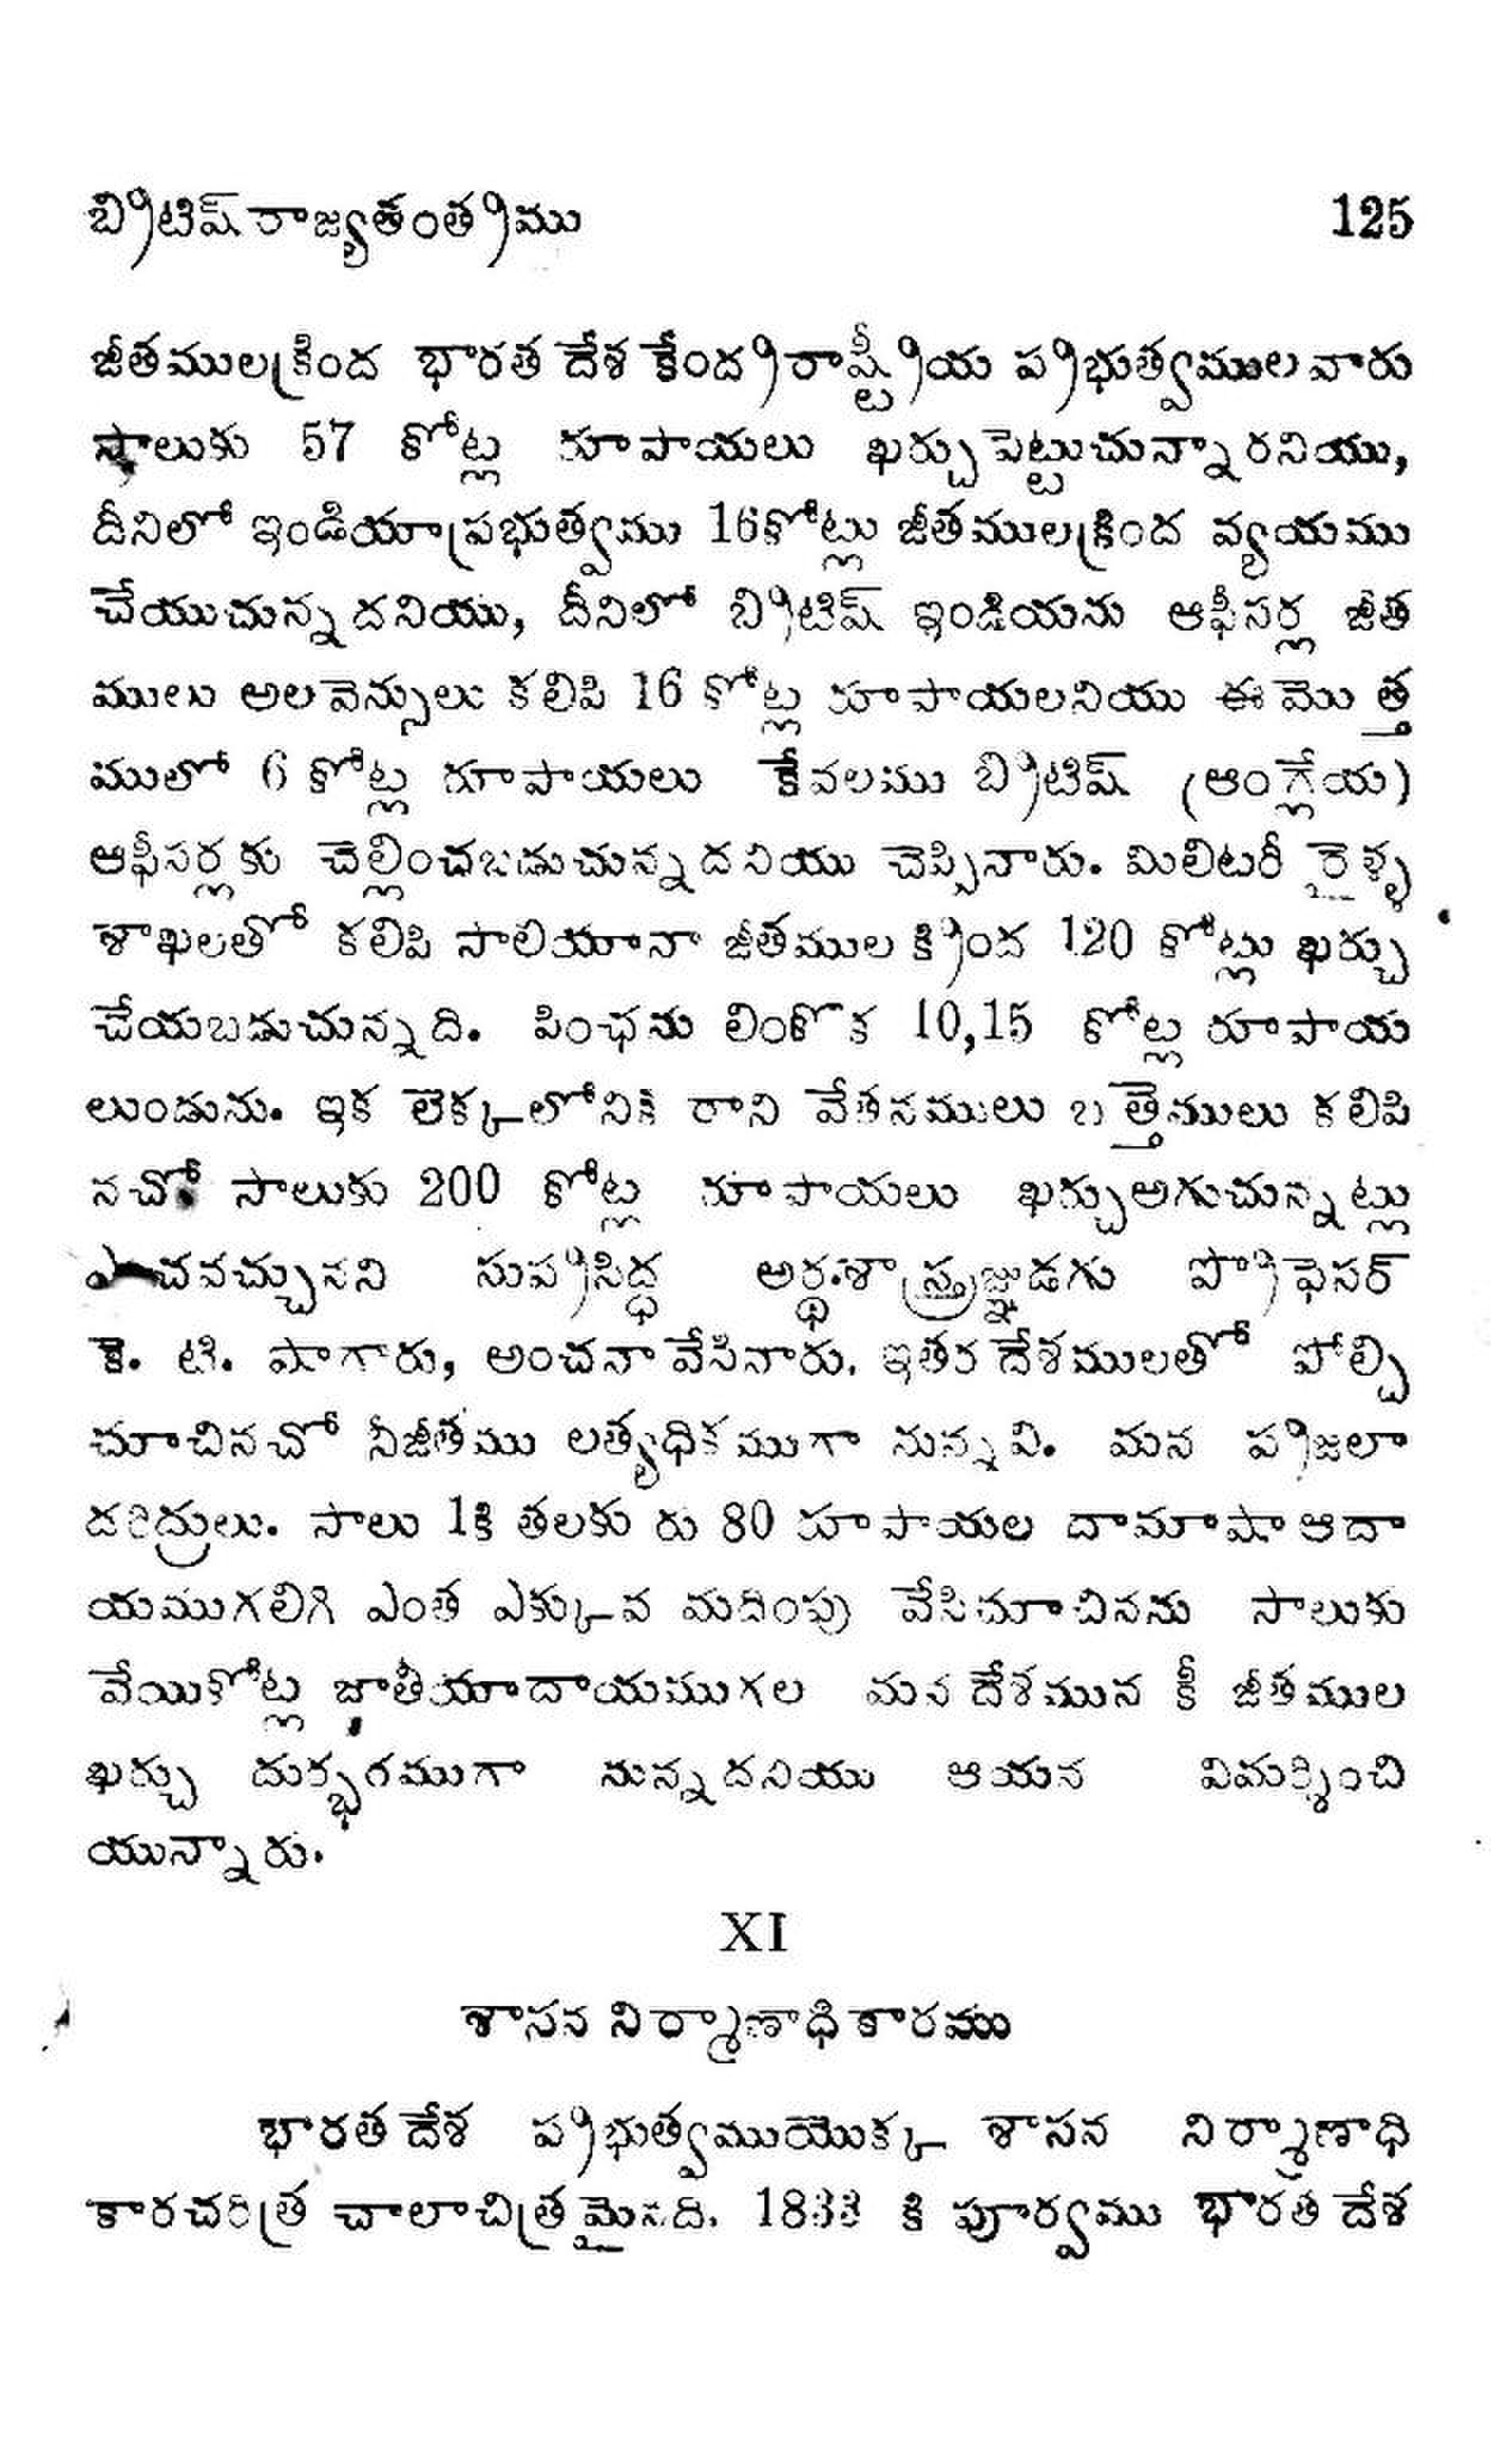జీతములక్రింద భారతదేశకేంద్రరాష్ట్రీయ ప్రభుత్వములవారు సాలుకు 57 కోట్ల రూపాయలు ఖర్చుపెట్టుచున్నారనియు, దీనిలో ఇండియాప్రభుత్వము 16కోట్లు జీతములక్రింద వ్యయము చేయుచున్నదనియు, దీనిలో బ్రిటిష్ ఇండియను ఆఫీసర్ల జీతములు అలవెన్సులు కలిపి 16 కోట్ల రూపాయలనియు ఈ మొత్తములో 6 కోట్ల రూపాయలు కేవలము బిటిష్ (ఆంగ్లేయ) ఆఫీసర్లకు చెల్లించబడుచున్నదనియు చెప్పినారు. మిలిటరీ రైళ్ళ శాఖలతో కలిపి సాలియానా జీతముల క్రింద 120 కోట్లు ఖర్చు చేయబడుచున్నది. పింఛను లింకొక 10, 15 కోట్ల రూపాయలుండును. ఇక లెక్కలోనికి రాని వేతనములు బతైములు కలిపినచో సాలుకు 200 కోట్ల రూపాయలు ఖర్చుఅగుచున్నట్లు
ఎంచవచ్చునని సుప్రసిద్ధ అర్థశాస్త్రజ్ఞుడగు ప్రొఫెసర్ కె. టి. షాగారు, అంచనావేసినారు. ఇతరదేశములతో పోల్చి చూచినచో నీజీతము లత్యధికముగా నున్నవి. మన ప్రజలా దరిద్రులు. సాలు 1కి తలకు రు 80 రూపాయల దామాషా ఆదాయముగలిగి ఎంత ఎక్కువ మదింపు వేసి చూచినను సాలుకు వేయికోట్ల జాతీయాదాయముగల మనదేశమున కీ జీతముల ఖర్చు దుర్బరముగా నున్నదనియు ఆయన విమర్శించి యున్నారు.

XI 
శాసన నిర్మాణాధికారము 

భారతదేశ ప్రభుత్వముయొక్క శాసన నిర్మాణాధికారచరిత్ర చాలాచిత్రమైనది. 1833 కి పూర్వము భారతదేశ